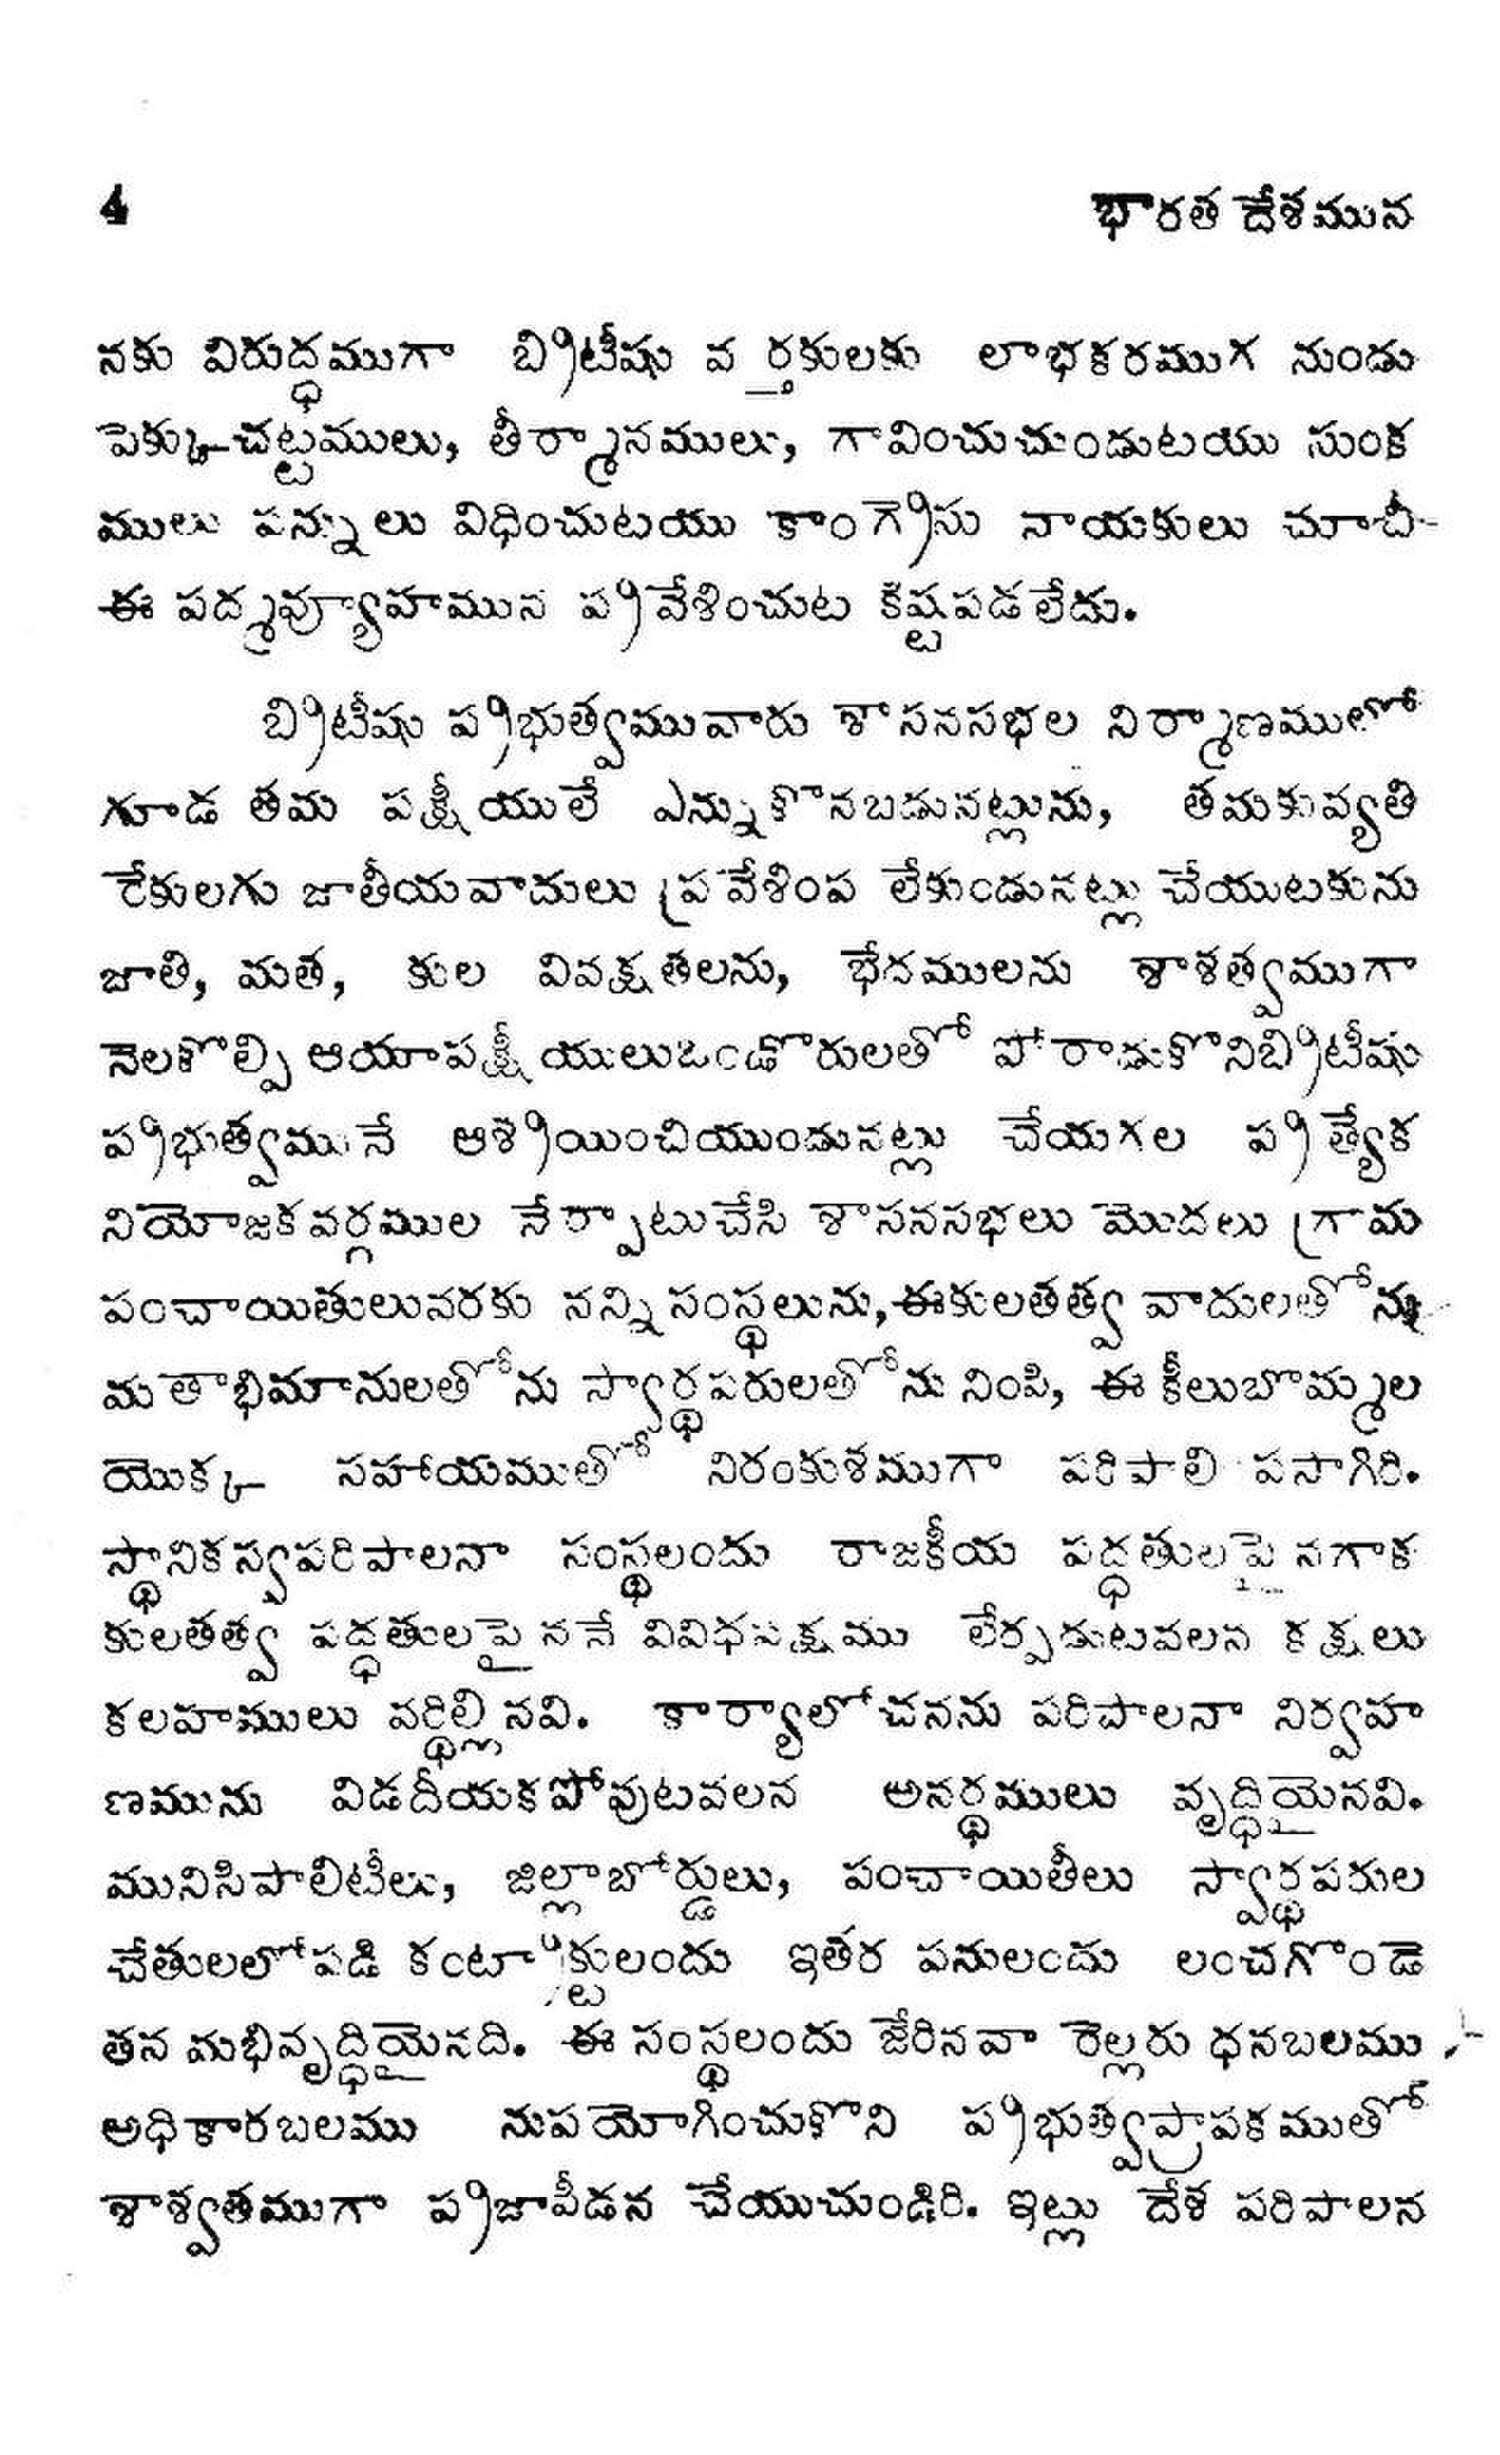నకు విరుద్ధముగా బ్రిటీషు వర్తకులకు లాభకరముగ నుండు పెక్కుచట్టములు, తీర్మానములు, గావించుచుండుటయు సుంకములు పన్నులు విధించుటయు కాంగ్రెసు నాయకులు చూచీ ఈ పద్మవ్యూహమున ప్రవేశించుట కిష్టపడలేదు.

బ్రిటీషు ప్రభుత్వమువారు శాసనసభల నిర్మాణములో గూడ తమ పక్షీయులే ఎన్నుకొనబడునట్లును, తమకు వ్యతిరేకులగు జాతీయవాదులు ప్రవేశింప లేకుండునట్లు చేయుటకును జాతి, మత, కుల వివక్షతలను, భేదములను శాశత్వముగా నెలకొల్పి ఆయాపక్షీయులు ఒండొరులతో పోరాడుకొని బ్రిటీషుప్రభుత్వమునే ఆశ్రయించియుండునట్లు చేయగల ప్రత్యేక నియోజకవర్గముల నేర్పాటుచేసి శాసనసభలు మొదలు గ్రామపంచాయితులువరకు నన్నిసంస్థలును, ఈకులతత్వ వాదులతోను మతాభిమానులతోను స్వార్థపరులతోను నింపి, ఈ కీలుబొమ్మలయొక్క సహాయముతో నిరంకుశముగా పరిపాలింపసాగిరి. స్థానికస్వపరిపాలనా సంస్థలందు రాజకీయ పద్ధతులపైనగాక కులతత్వ పద్దతులపైననే వివిధపక్షము లేర్పడుటవలన కక్షలు కలహములు వర్ధిల్లినవి. కార్యాలోచనను పరిపాలనా నిర్వహణమును విడదీయకపోవుటవలన అనర్థములు వృద్ధియైనవి. మునిసిపాలిటీలు, జిల్లాబోర్డులు, పంచాయితీలు స్వార్థపరుల చేతులలోపడి కంట్రాక్టులందు ఇతర పనులందు లంచగొండెతన మభివృద్ధియైనది. ఈ సంస్థలందు జేరినవా రెల్లరు ధనబలము, అధికారబలము నుపయోగించుకొని ప్రభుత్వప్రాపకముతో శాశ్వతముగా ప్రజాపీడన చేయుచుండిరి. ఇట్లు దేశ పరిపాలన